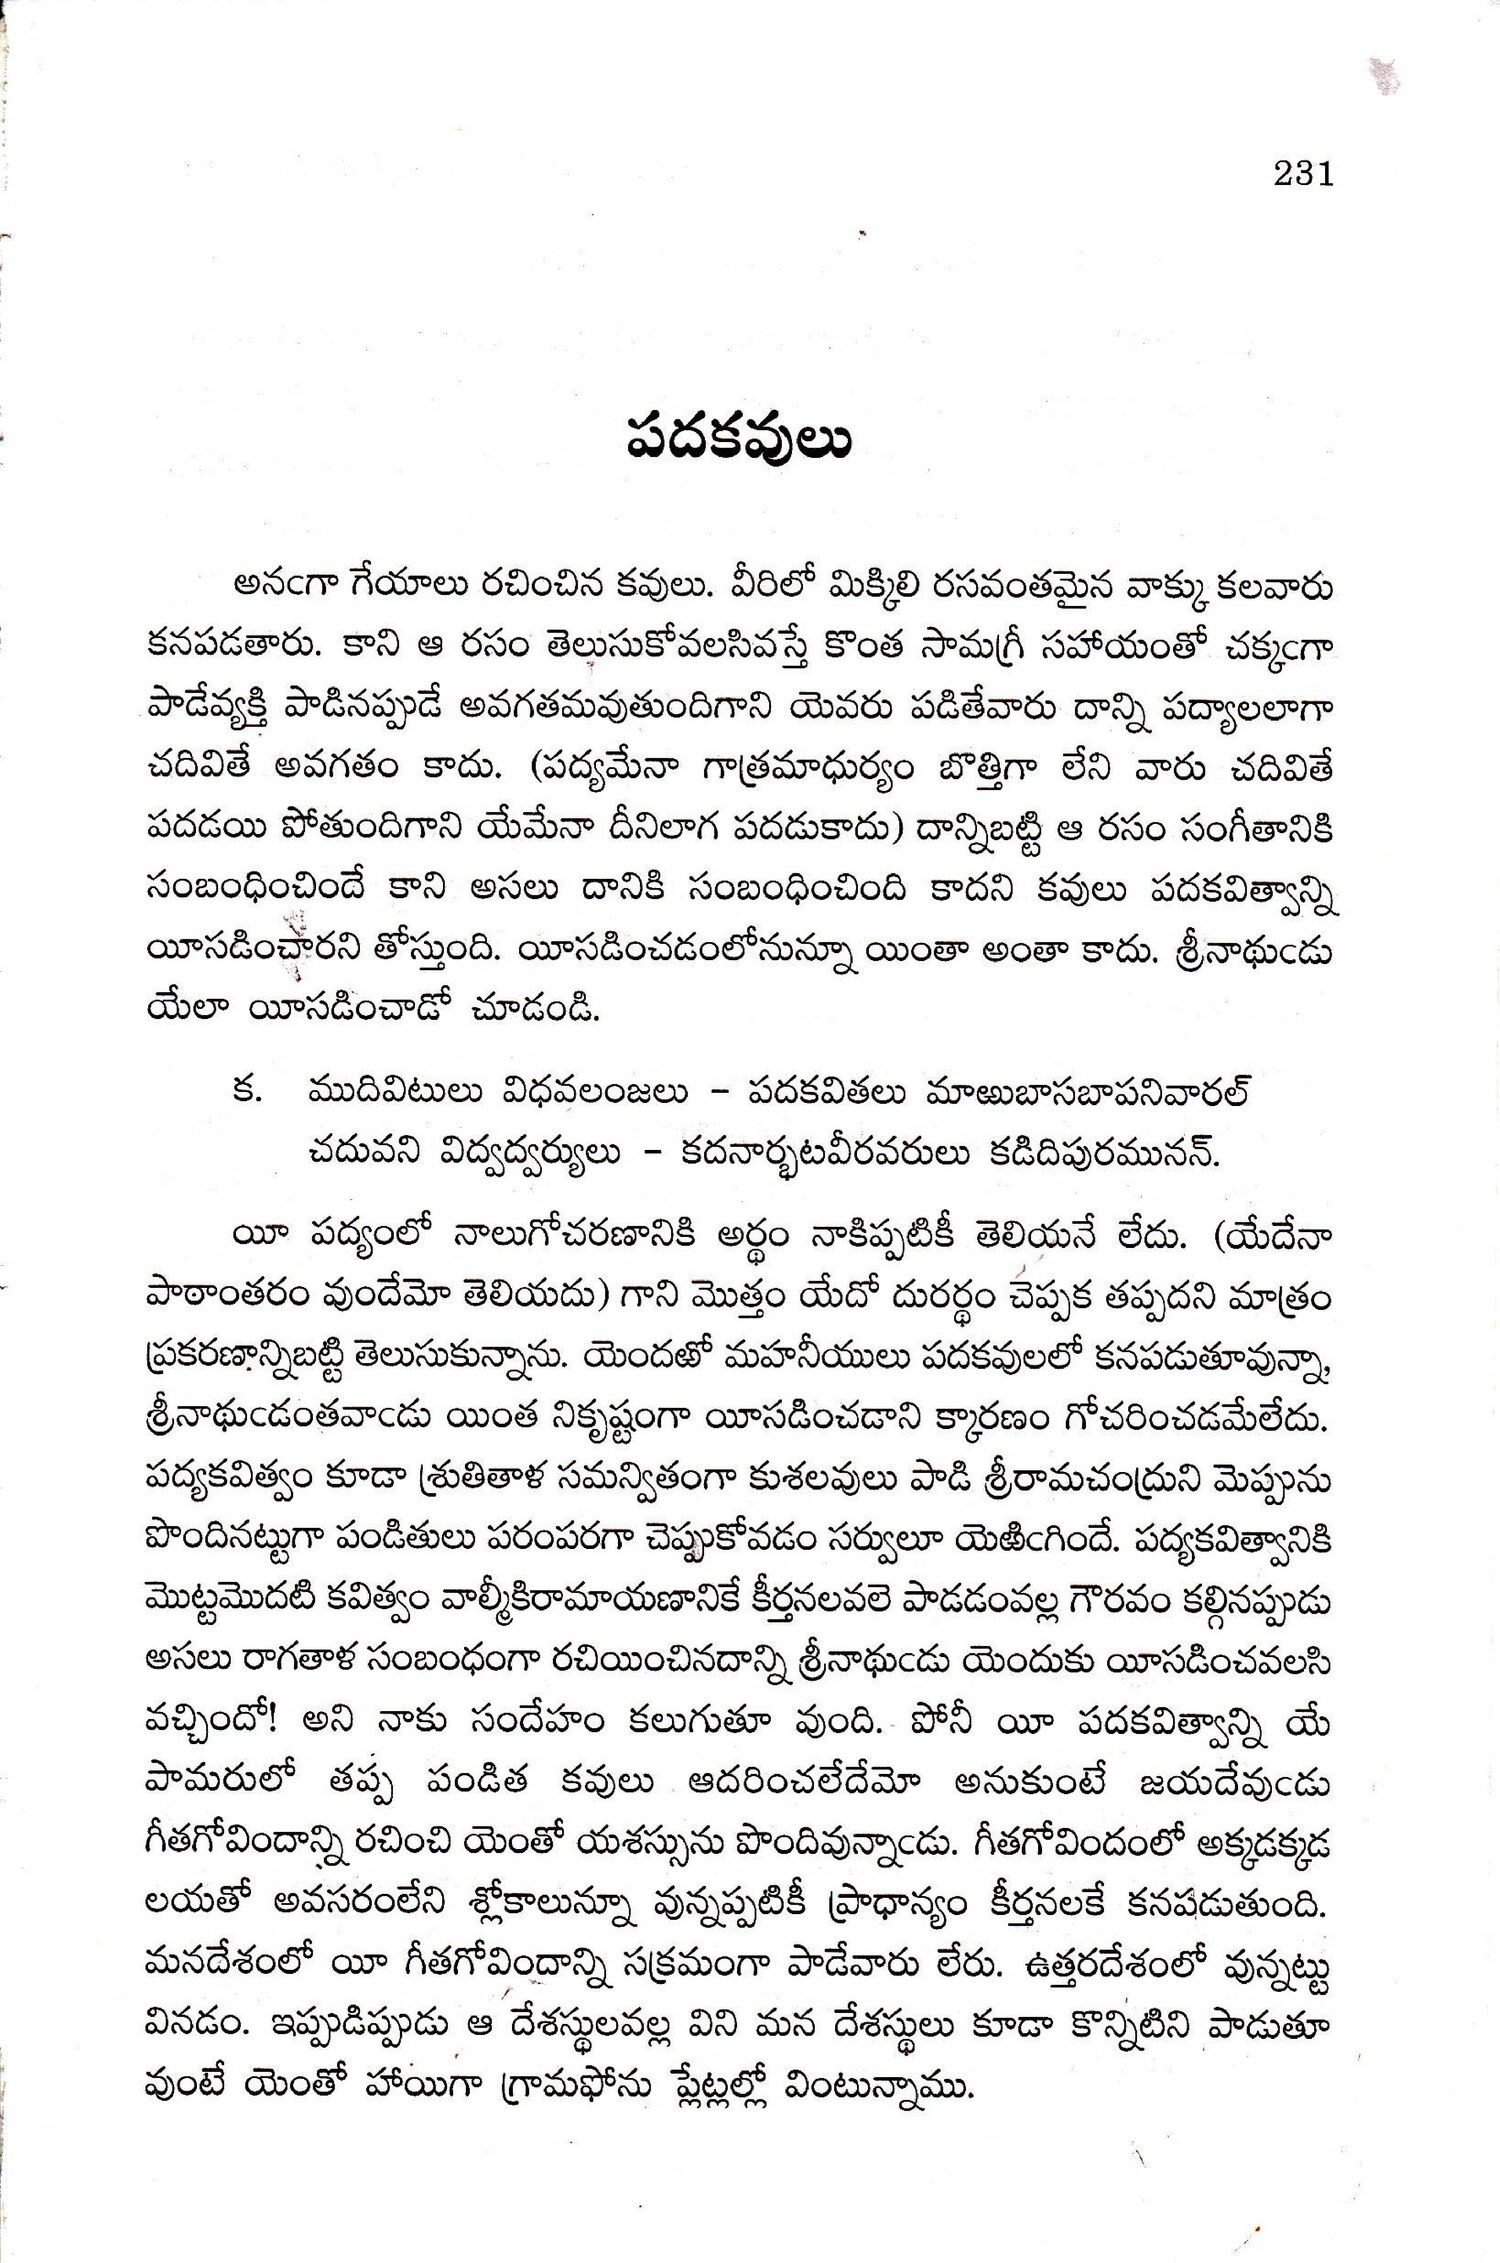పదకవులు

అనఁగా గేయాలు రచించిన కవులు. వీరిలో మిక్కిలి రసవంతమైన వాక్కు కలవారు కనపడతారు. కాని ఆ రసం తెలుసుకోవలసివస్తే కొంత సామగ్రీ సహాయంతో చక్కఁగా పాడేవ్యక్తి పాడినప్పుడే అవగతమవుతుందిగాని యెవరు పడితేవారు దాన్ని పద్యాలలాగా చదివితే అవగతం కాదు. (పద్యమేనా గాత్రమాధుర్యం బొత్తిగా లేని వారు చదివితే పదడయి పోతుందిగాని యేమేనా దీనిలాగ పదడుకాదు) దాన్నిబట్టి ఆ రసం సంగీతానికి సంబంధించిందే కాని అసలు దానికి సంబంధించింది కాదని కవులు పదకవిత్వాన్ని యీసడించారని తోస్తుంది. యీసడించడంలోనున్నూ యింతా అంతా కాదు. శ్రీనాథుఁడు యేలా యీసడించాడో చూడండి.

క. ముదివిటులు విధవలంజలు - పదకవితలు మాఱుబాసబాపనివారల్
 చదువని విద్వద్వర్యులు - కదనార్భటవీరవరులు కడిదిపురమునన్.
యీ పద్యంలో నాలుగోచరణానికి అర్థం నాకిప్పటికీ తెలియనే లేదు. (యేదేనా పాఠాంతరం వుందేమో తెలియదు) గాని మొత్తం యేదో దురర్ధం చెప్పక తప్పదని మాత్రం ప్రకరణాన్నిబట్టి తెలుసుకున్నాను. యెందఱో మహనీయులు పదకవులలో కనపడుతూవున్నా శ్రీనాథుఁడంతవాఁడు యింత నికృష్టంగా యీసడించడాని క్కారణం గోచరించడమేలేదు. పద్యకవిత్వం కూడా శ్రుతితాళ సమన్వితంగా కుశలవులు పాడి శ్రీరామచంద్రుని మెప్పును పొందినట్టుగా పండితులు పరంపరగా చెప్పుకోవడం సర్వులూ యెఱిఁగిందే. పద్యకవిత్వానికి మొట్టమొదటి కవిత్వం వాల్మీకిరామాయణానికే కీర్తనలవలె పాడడంవల్ల గౌరవం కల్గినప్పుడు అసలు రాగతాళ సంబంధంగా రచియించినదాన్ని శ్రీనాథుఁడు యెందుకు యీసడించవలసి వచ్చిందో! అని నాకు సందేహం కలుగుతూ వుంది. పోనీ యీ పదకవిత్వాన్ని యే పామరులో తప్ప పండిత కవులు ఆదరించలేదేమో అనుకుంటే జయదేవుఁడు గీతగోవిందాన్ని రచించి యెంతో యశస్సును పొందివున్నాఁడు. గీతగోవిందంలో అక్కడక్కడ లయతో అవసరంలేని శ్లోకాలున్నూ వున్నప్పటికీ ప్రాధాన్యం కీర్తనలకే కనపడుతుంది. మనదేశంలో యీ గీతగోవిందాన్ని సక్రమంగా పాడేవారు లేరు. ఉత్తరదేశంలో వున్నట్టు వినడం. ఇప్పుడిప్పుడు ఆ దేశస్థులవల్ల విని మన దేశస్థులు కూడా కొన్నిటిని పాడుతూ వుంటే యెంతో హాయిగా గ్రామఫోను ప్లేట్లల్లో వింటున్నాము.